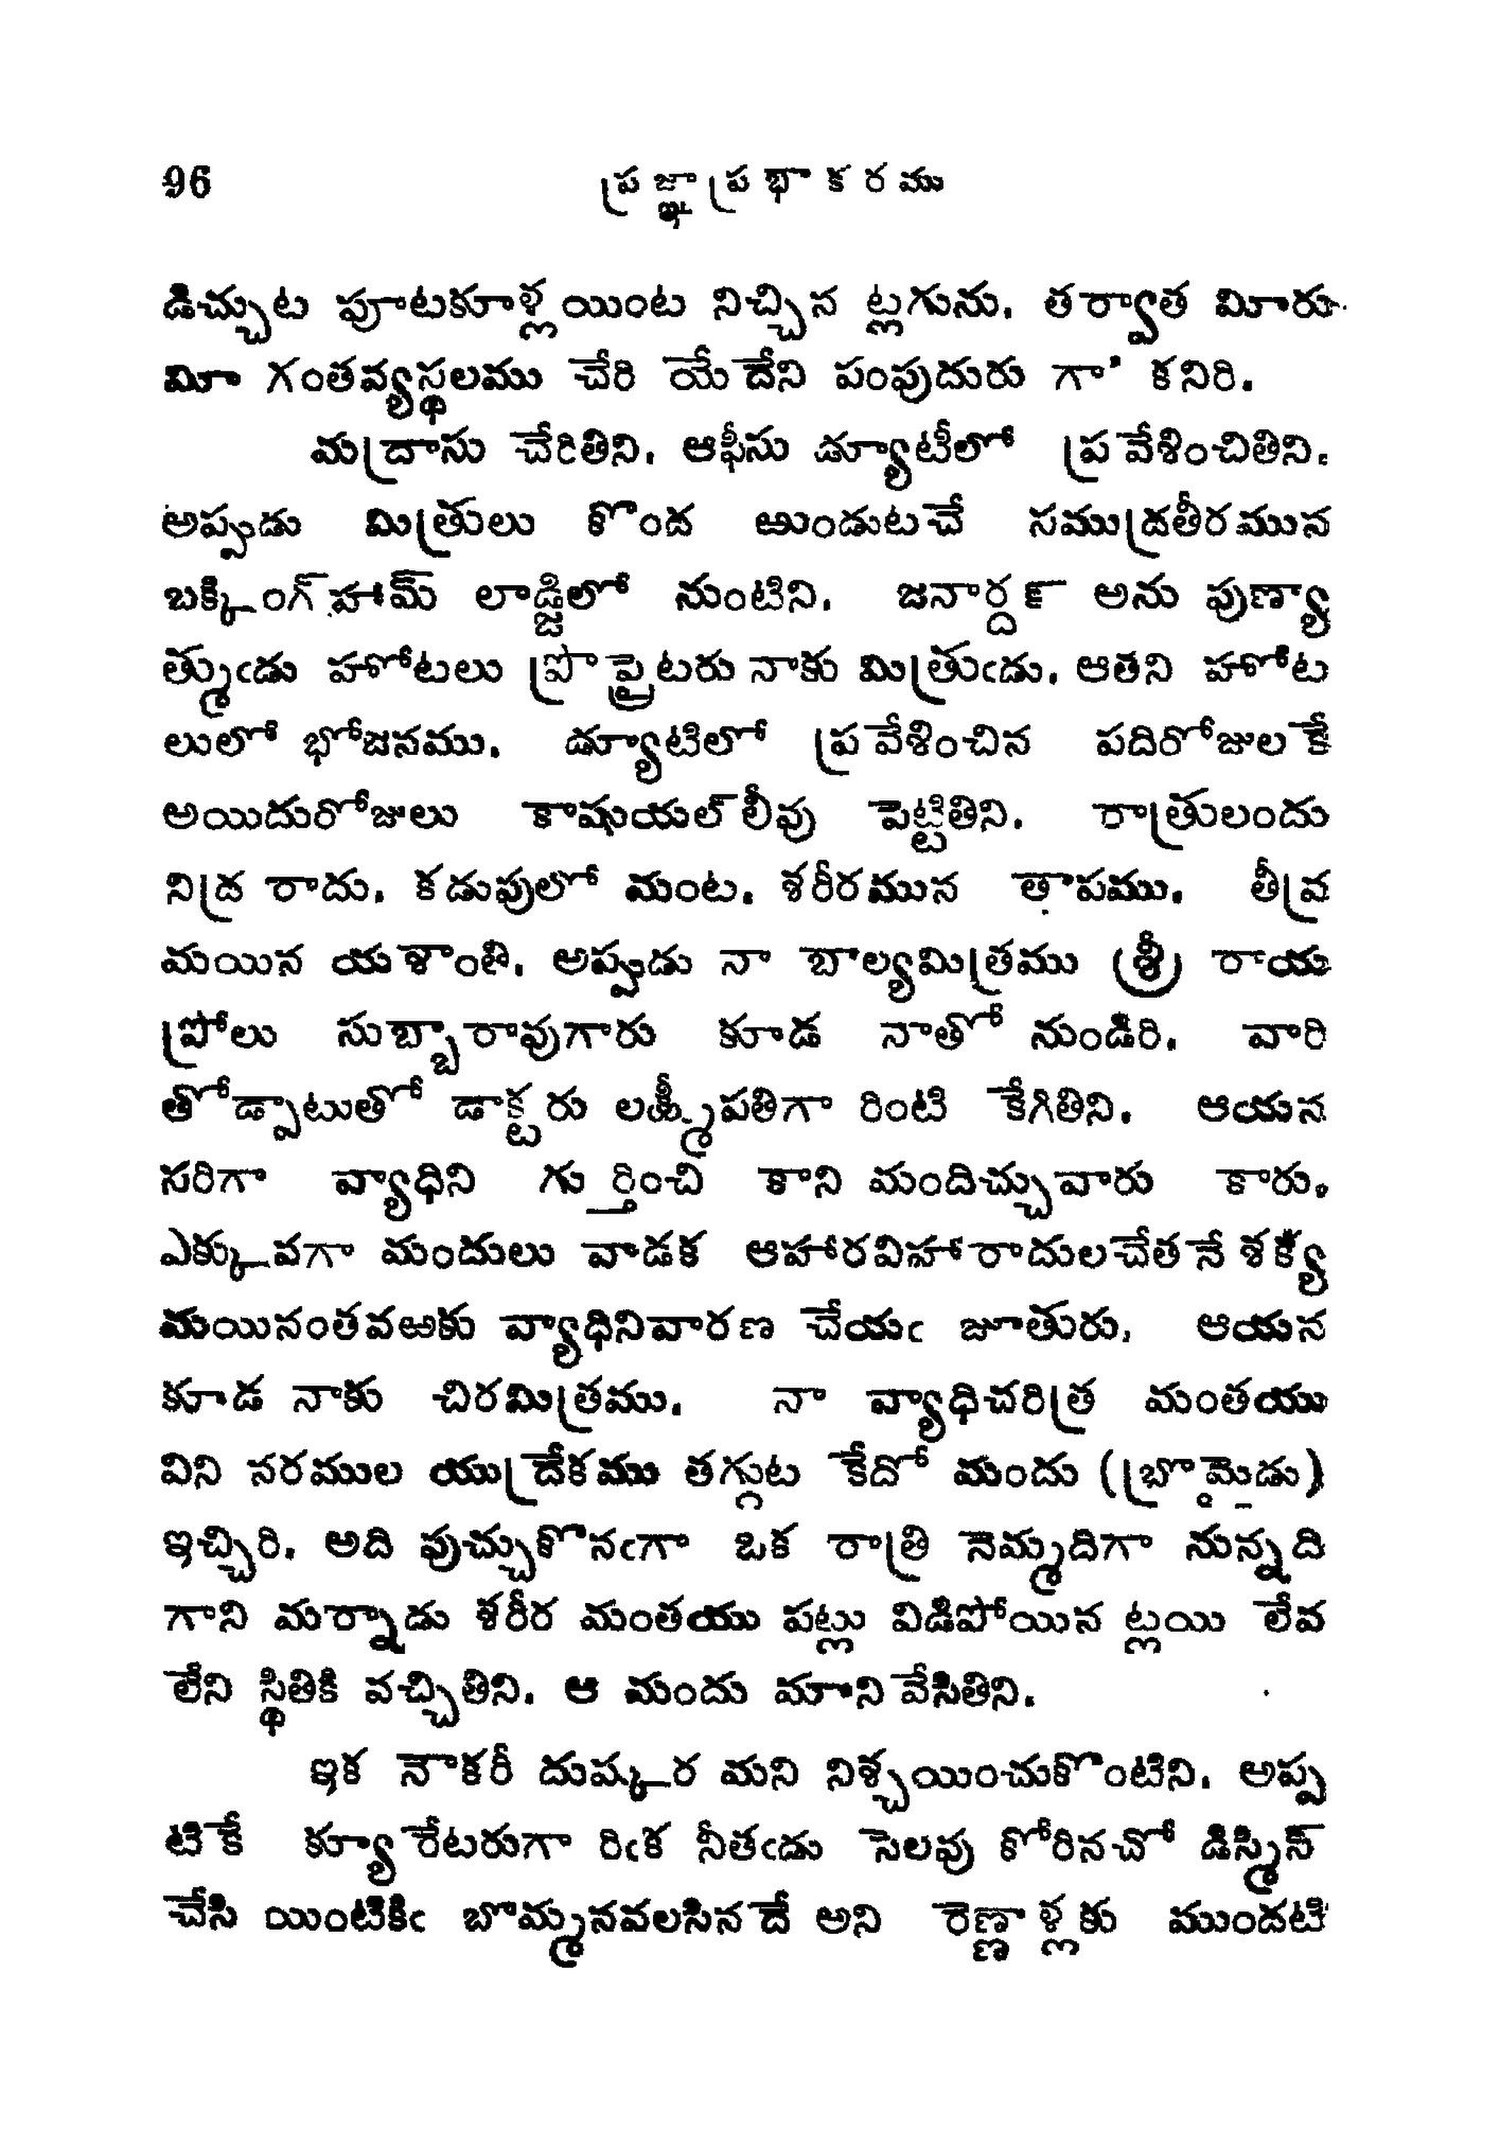డిచ్చుట పూట కూళ్ళయింట నిచ్చిన ట్లగును. తర్వాత మీరు మీ గంతవ్యస్ధలము చేరి యే దేని పంపుదురు గా' కనిరి.

మద్రాసు చేరితిని. ఆఫీసు డ్యూటిలో ప్రవేశించితిని. అప్పుడు మిత్రులు కొంద ఱుం డుటచే సముద్ర తీరమున బక్కింగ్ హామ్ లాడ్జిలో నుంటిని. జనార్దన్ అను పుణ్యాత్ముఁడు హొటలు ప్రోపైటరు నాకు మిత్రుఁ డు. ఆతని హొటలులో భోజనము. డ్యూటిలో ప్రవేశించిన పదిరోజులకే అయిదు రోజులు కాషుయాల్ లీవు పెట్టితిని. రాత్రులందు నిద్ర రాదు. కడుపులో మంట. శరీరము తాపము. తీవ్రమయిన యశాంతి. అప్పుడు నా బాల్యమిత్రము శ్రీ రాయప్రోలు సుబ్బారావు గారు కూడ నాతో నుండిరి. వారి తోడ్పాటుతో డాక్టరు లక్ష్మీ పతిగా రింటి కేగితిని. ఆయన సరిగా వ్యాధిని గుర్తించి కాని మందిచ్చు వారు కారు. ఎక్కువగా మందులు వాడక ఆహారవిహరాదుల చేతనే శక్య మయినంతవఱకు వ్యాధి నివారణ చేయఁ జూతురు. ఆయన కూడ నాకు చిర మిత్రము. నా వ్యాధి చరిత్ర మంతయు విని నరముల యుద్రేకము తగ్గుట కేదో మందు (బ్రొమైడు) ఇచ్చిరి. అది పుచ్చుకొనఁ గా ఒక రాత్రి నెమ్మదిగా నున్న దిగాని మర్నాడు శరీర మంతయు పట్లు విడిపోయిన ట్లయి లేవలేని స్ధితికి వచ్చితిని. ఆ మందు మాని వేసితిని.

ఇక నౌకరీ దుష్కర మని నిశ్చయించుకొంటిని. అప్పటికే క్యూరేటరుగా రిఁక నీతఁడు సెలవు కోరినచో డిస్మిస్ చేసి యింటికిఁ బొమ్మన వలసిన దే అని రెణ్ణాళ్ళకు ముందటి